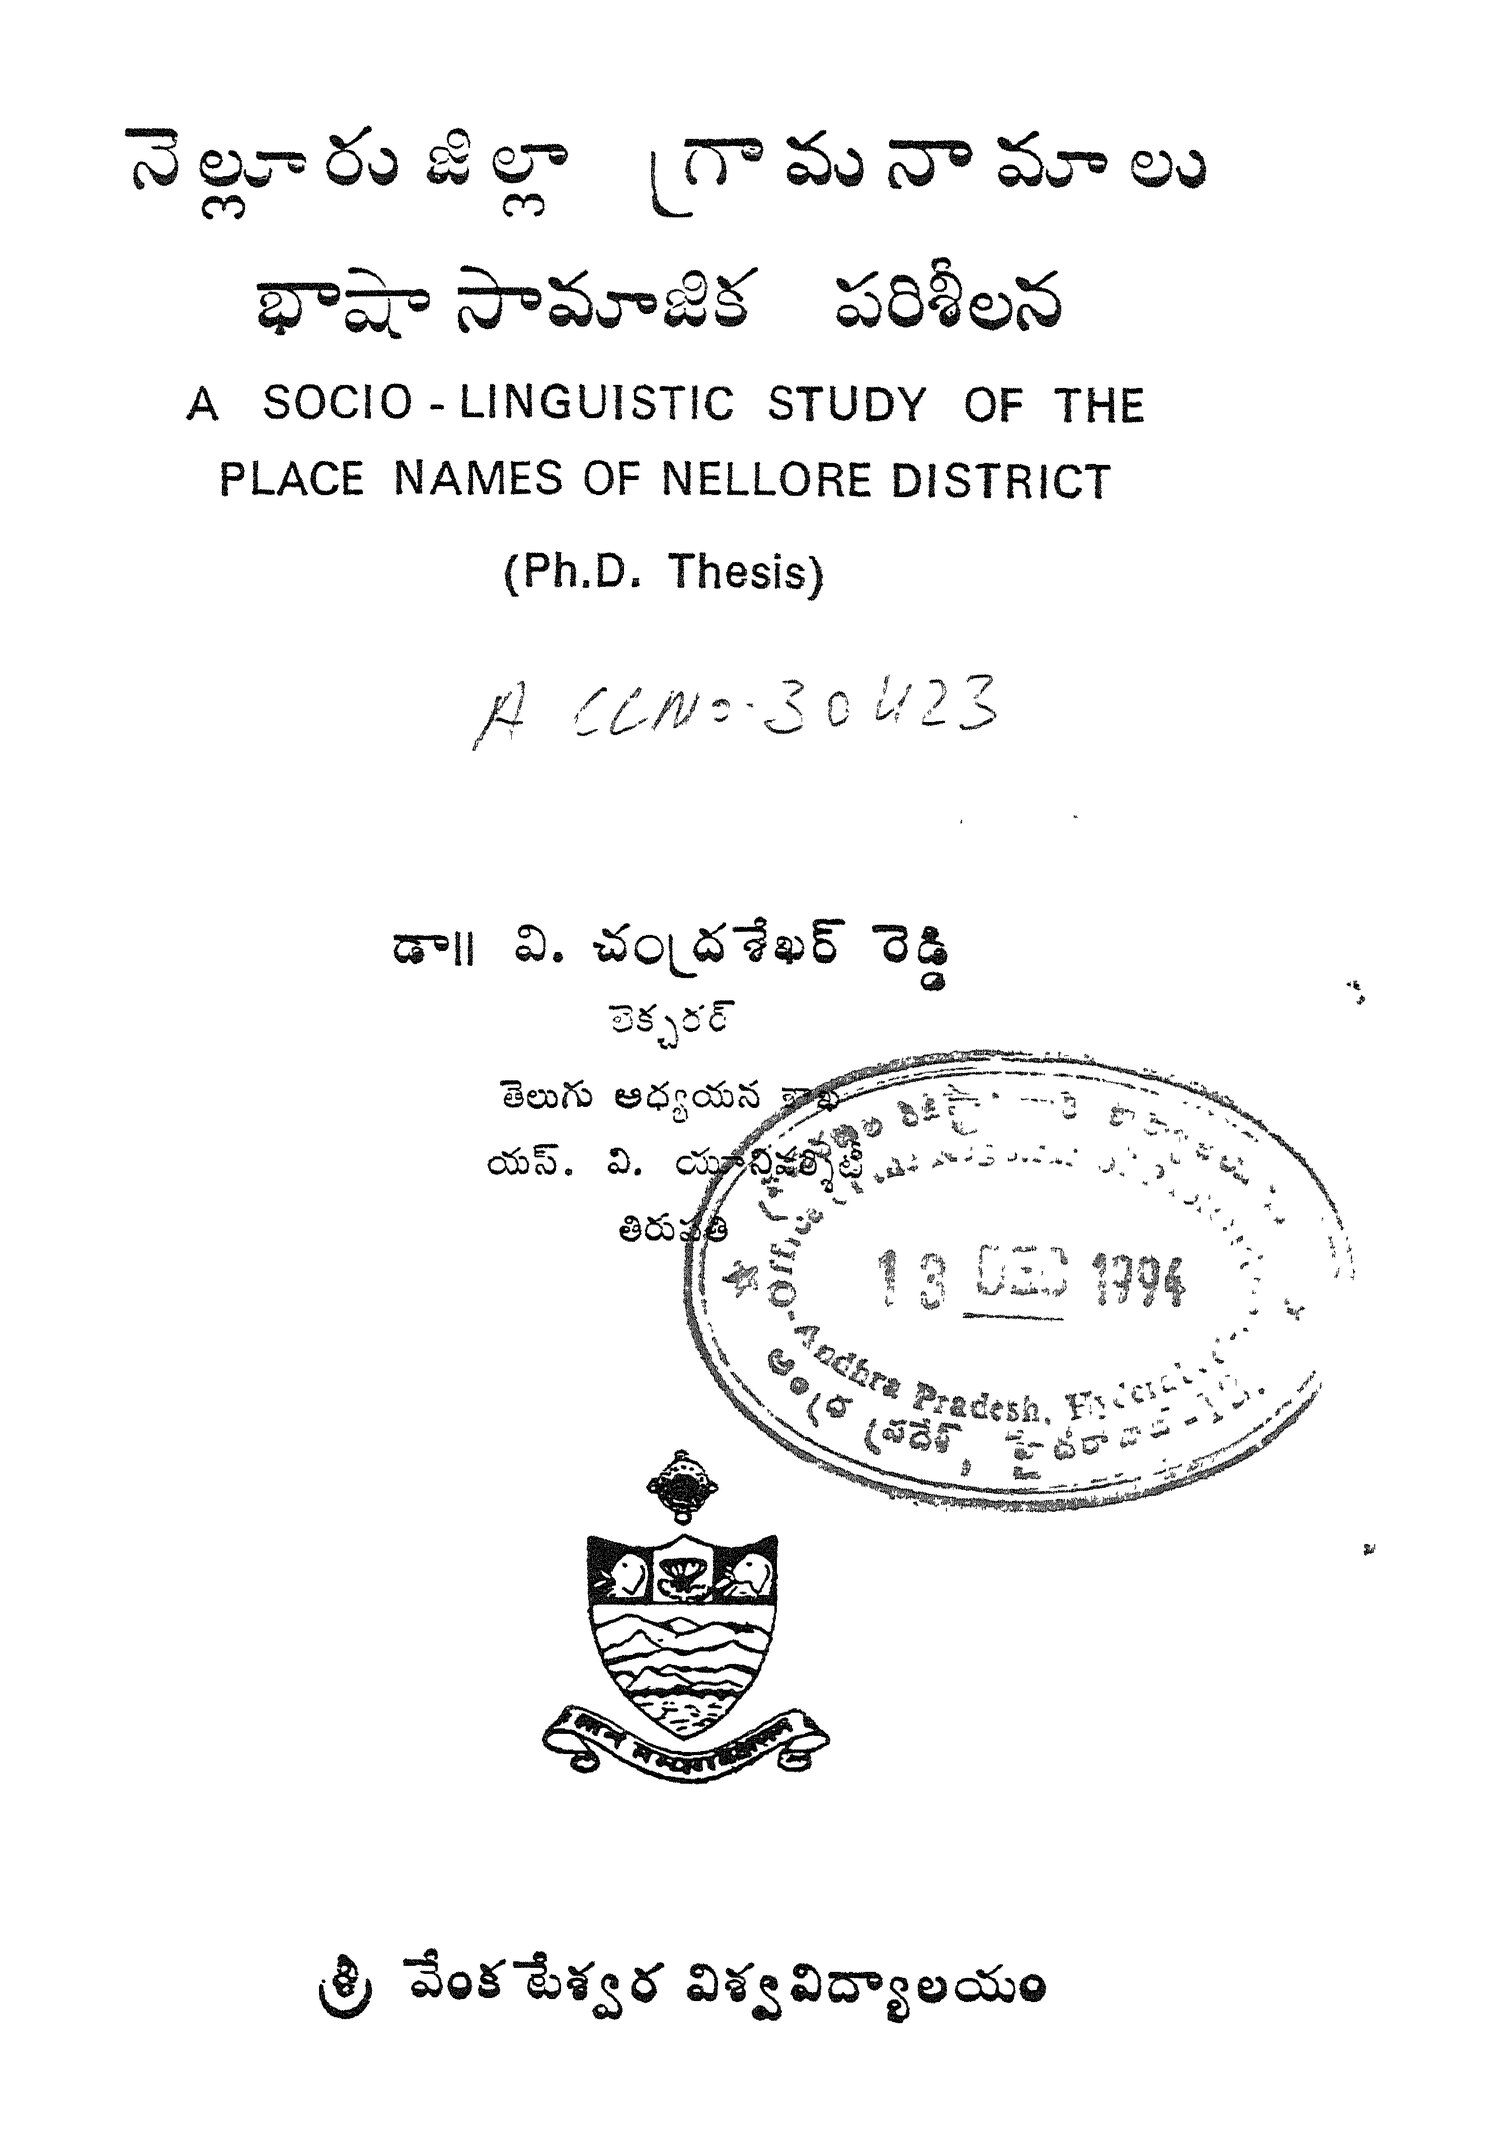నెల్లూరుజిల్లా గ్రామనామాలు
భాషా సామాజిక పరిశీలన

A SOCIO - LINGUISTIC STUDY OF THE
PLACE NAMES OF NELLORE DISTRICT

(Ph.D. Thesis)

డా|| వి. చంద్రశేఖర్ రెడ్డి

లెక్చరర్

తెలుగు అధ్యయన శాఖ

యస్. వి. యూనివర్సిటీ

తిరుపతి

శ్రీ వేంకటేశ్వర విశ్వవిద్యాలయం